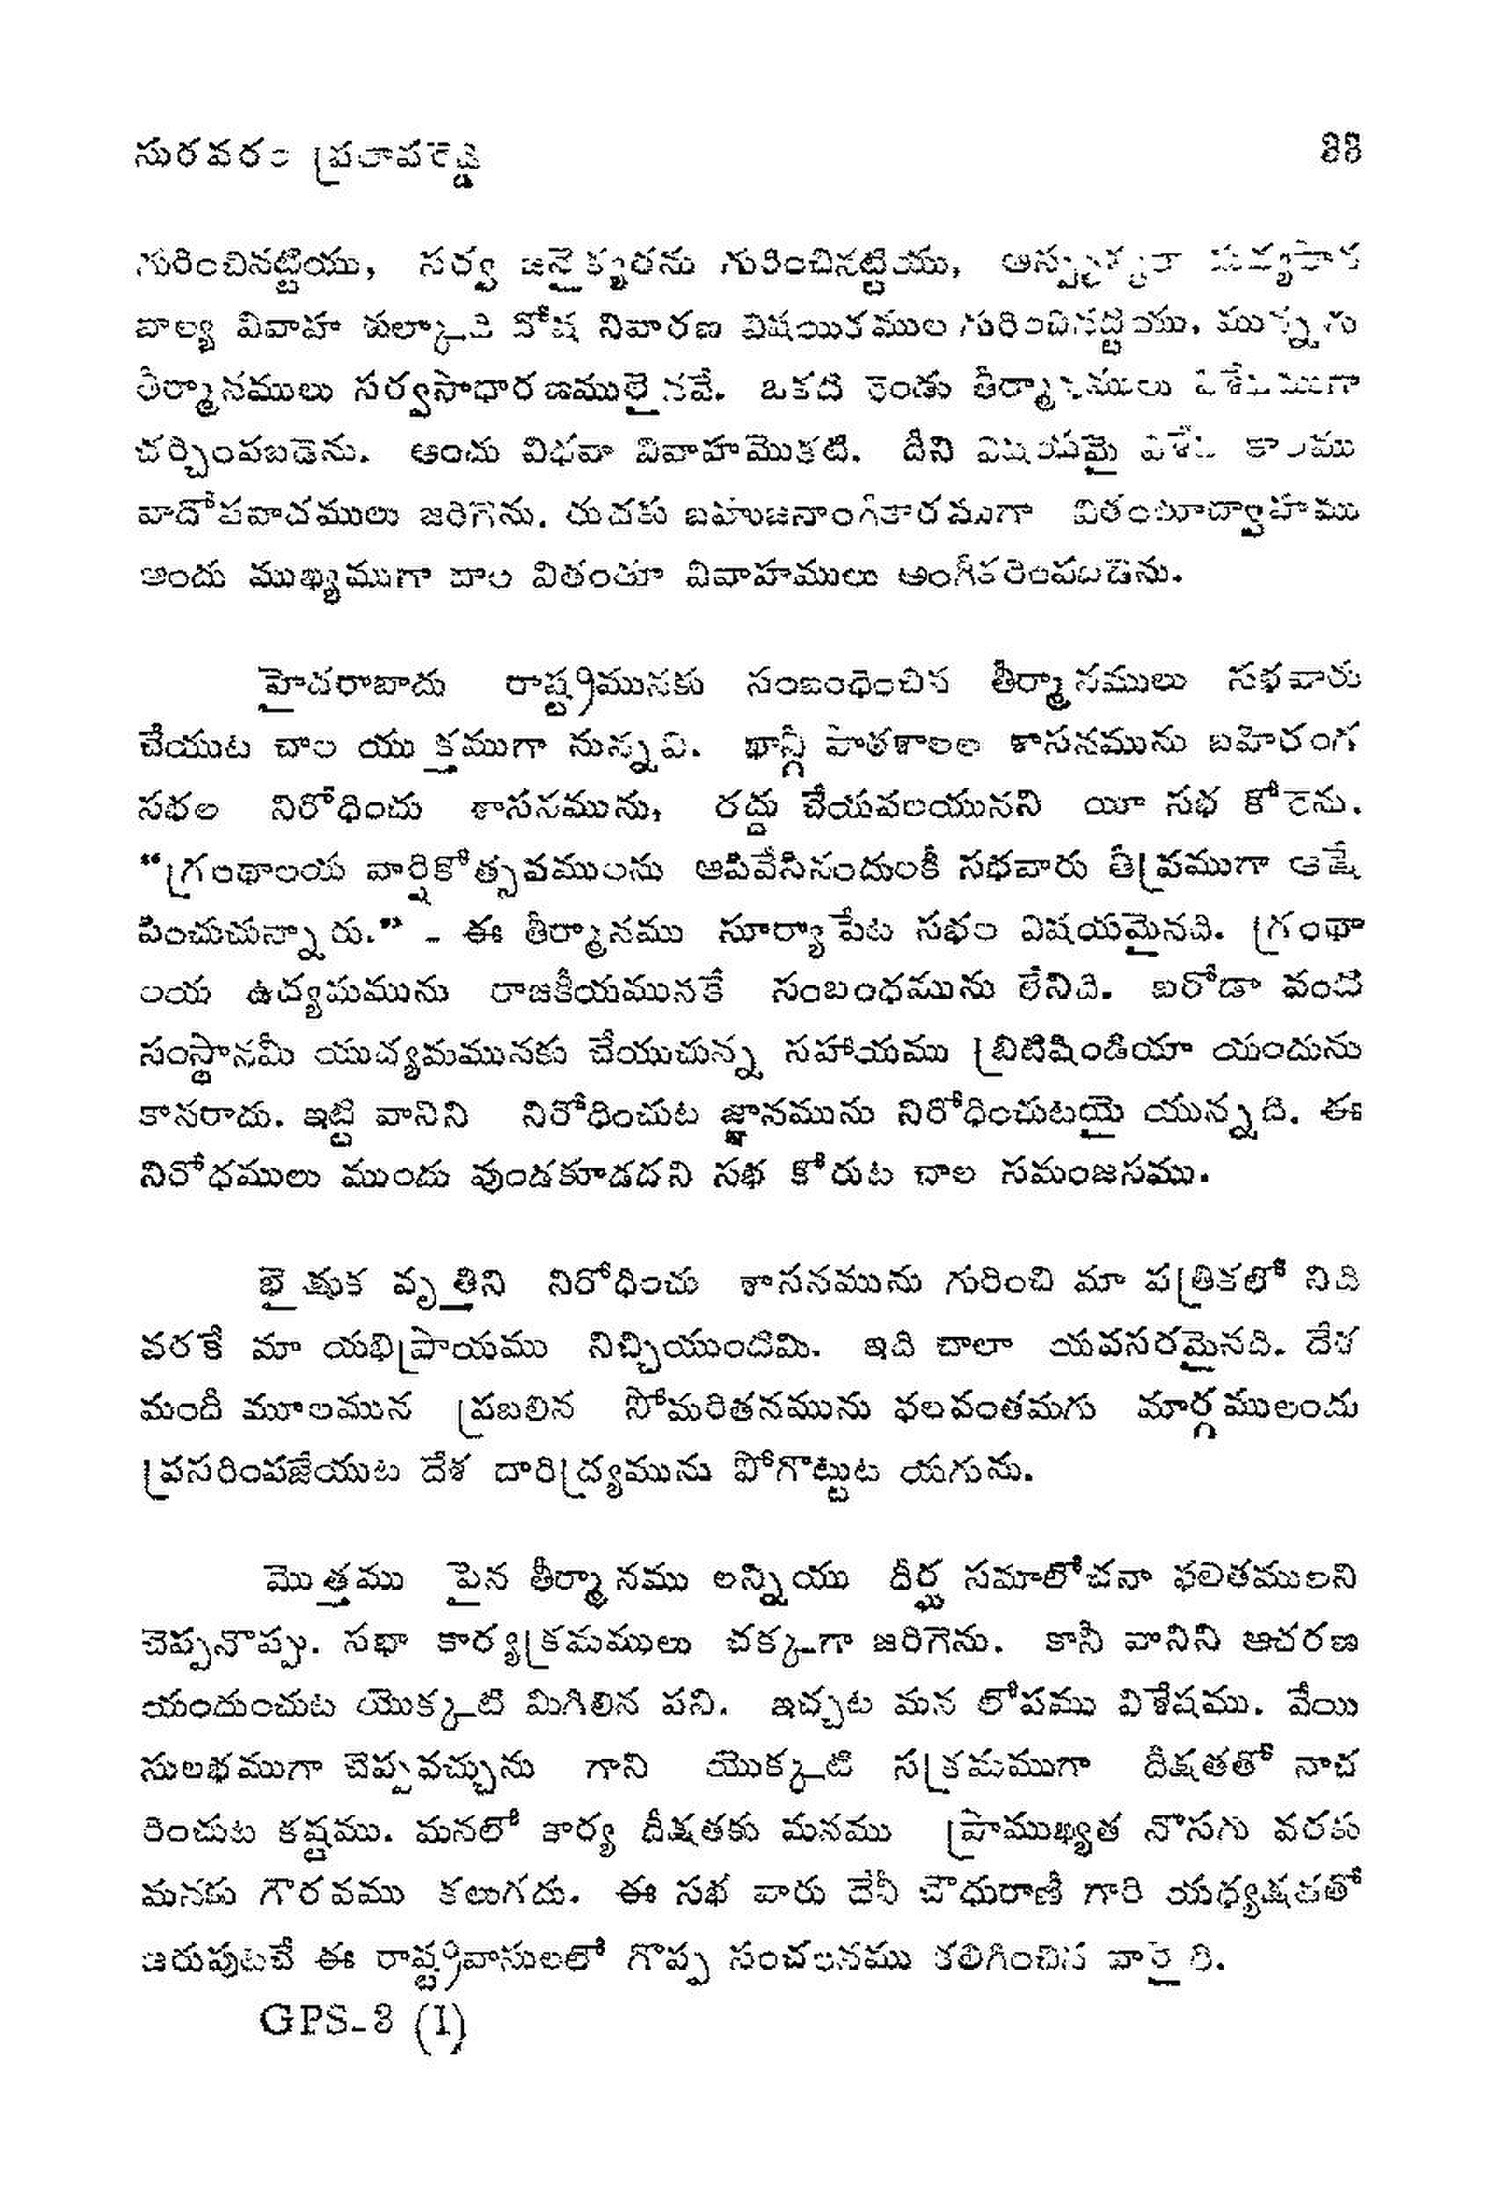గురించినట్టియు, సర్వ జనైక్యతను గురించినట్టియు, అస్పృశ్యతా మద్యపాన బాల్య వివాహ శుల్కాది దోష నివారణ విషయికముల గురించినట్టియు, మున్నగు తీర్మానములు సర్వసాధారణములైనవే. ఒకటి రెండు తీర్మానములు విశేషముగా చర్చింపబడెను. అందు విధవా వివాహమొకటి. దీని విషయమై విశేష కాలము వాదోపవాదములు జరిగెను. తుదకు బహుజనాంగీకారముగా వితంతూద్వాహము అందు ముఖ్యముగా బాల వితంతూ వివాహములు అంగీకరింపబడెను.

హైదరాబాదు రాష్ట్రమునకు సంబంధించిన తీర్మానములు సభవారు చేయుట చాల యుక్తముగా నున్నవి. ఖాన్గీ పాఠశాలల శాసనమును బహిరంగ సభల నిరోధించు శాసనమును, రద్దు చేయవలయునని యీ సభ కోరెను.
"గ్రంథాలయ వార్షికోత్సవములను ఆపివేసినందులకీ సభవారు తీవ్రముగా ఆక్షేపించుచున్నారు." -ఈ తీర్మానము సూర్యాపేట సభల విషయమైనది. గ్రంథాలయ ఉద్యమమును రాజకీయమునకే సంబంధమును లేనిది. బరోడా వంటి సంస్థానమీ యుద్యమమునకు చేయుచున్న సహాయము బ్రిటిషిండియా యందును కానరాదు. ఇట్టి వానిని నిరోధించుట జ్ఞానమును నిరోధించుటయై యున్నది. ఈ నిరోధములు ముందు వుండకూడదని సభ కోరుట చాల సమంజసము.

భైక్షుక వృత్తిని నిరోధించు శాసనమును గురించి మా పత్రికలో నిదివరకే మా యభిప్రాయము నిచ్చియుంటిమి. ఇది చాలా యవసరమైనది. దేశమందీ మూలమున ప్రబలిన సోమరితనమును ఫలవంతమగు మార్గములందు
ప్రసరింపజేయుట దేశ దారిద్ర్యమును పోగొట్టుట యగును.

మొత్తము పైన తీర్మానము లన్నియు దీర్ఘ సమాలోచనా ఫలితములని చెప్పునొప్పు. సభా కార్యక్రమములు చక్కగా జరిగెను. కానీ వానిని ఆచరణ యందుంచుట యొక్కటి మిగిలిన పని. ఇచ్చట మన లోపము విశేషము. వేయి
సులభముగా చెప్పవచ్చును గాని యొక్కటి సక్రమముగా దీక్షతతో నాచరించుట కష్టము. మనలో కార్య దీక్షతకు మనము ప్రాముఖ్యత నొసగు వరకు మనకు గౌరవము కలుగదు. ఈ సభ వారు దేవీ చౌధురాణి గారి యధ్యక్షతతో
జరుపుటచే ఈ రాష్ట్రవాసులలో గొప్ప సంచలనము కలిగించిన వారైరి.